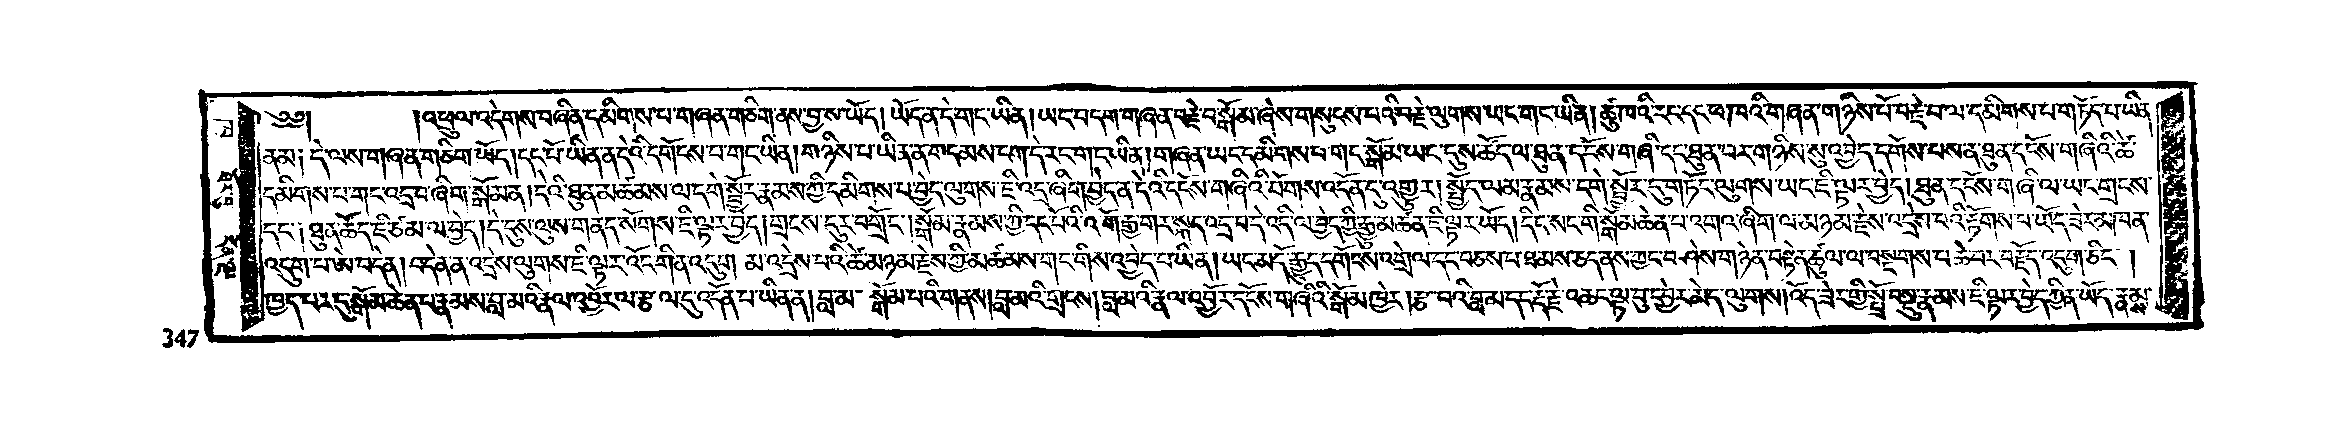༄༅། །འཕྲུལ་འདེགས་བཞིན་དམིགས་པ་གཞན་གཅིག་ནས་བྱ་ས་ཡོད། ཡོད་ན་དེ་གང་ཡིན། ཡང་བདག་གཞན་བརྗེ་བསྒོམ་ཞེས་གསུངས་པའི་བརྗེ་ལུགས་ཡང་གང་ཡིན། ཚུ་ཁའི་རང་དང་ཕ་ཁའི་གཞན་གཉིས་པོ་བརྗེ་བ་ལ་དམིགས་པ་གཏོད་པ་ཡིན་
ནམ། དེ་ལས་གཞན་གཅིག་ཡོད། དང་པོ་ཡིན་ན་དེའི་དགོངས་པ་གང་ཡིན། གཉིས་པ་ཡིན་ན་གདམས་ངག་དེ་རང་གང་ཡིན། གཞན་ཡང་དམིགས་པ་གང་སྒོམ་ཡང་དུས་ཚོད་ལ་ཐུན་དངོས་གཞི་དང་ཐུན་པར་གཉིས་སུ་འབྱེད་དགོས་པས་ན་ཐུན་དངོས་གཞིའི་ཚེ་
དམིགས་པ་གང་འདྲ་བ་ཞིག་སྒོམ་ན། དེའི་ཐུན་མཚམས་ལ་དགེ་སྦྱོར་རྣམས་ཀྱི་དམིགས་པ་བྱེད་ལུགས་ཇི་འདྲ་ཞིག་བྱེད་ན་དེའི་དངོས་གཞིའི་བོགས་འདོན་དུ་འགྱུར། སྤྱོད་ལམ་རྣམས་དགེ་སྦྱོར་དུ་གཏོང་ལུགས་ཡང་ཇི་ལྟར་བྱེད། ཐུན་དངོས་གཞི་ལ་ཡང་གྲངས་
དང་། ཐུན་ཚོད་ཇི་ཙམ་ལ་བྱེད། དེ་དུས་ལུས་གནད་སོགས་ཇི་ལྟར་བྱེད། གྲངས་དུར་བགྲོང་། སྒོམ་རྣམས་ཀྱི་དང་པོའི་འོག་རྒྱ་གར་སྐད་འདྲ་བ་དེ་འདི་ལ་བྱེད་ཀྱི་རྒྱུ་མཚན་ཇི་ལྟར་ཡོད། དིང་སང་གི་སྒོམ་ཆེན་པ་འགའ་ཞིག་ལ་མཉམ་རྗེས་འདྲེས་པའི་རྟོགས་པ་ཡོད་ཟེར་མཁན་
འདུག་པ་ཨེ་བདེན། བདེན་ན་འདྲེས་ལུགས་ཇི་ལྟར་འོང་གིན་འདུག་མ་འདྲེས་པའི་ཚེ་མཉམ་རྗེས་ཀྱི་མཚམས་གང་གིས་འབྱེད་པ་ཡིན། ཡང་མདོ་རྒྱུད་དགོངས་འགྲེལ་དང་བཅས་པ་ཐམས་ཅད་ནས་ཀྱང་བཤེས་གཉེན་བསྟེན་ཚུལ་ལ་བསྔགས་པ་ཆེ་བར་བརྗོད་འདུག་ཅིང་།
ཁྱད་པར་དུ་སྒོམ་ཆེན་པོ་རྣམས་བླ་མའི་རྣལ་འབྱོར་ལ་རྩལ་དུ་འདོན་པ་ཡིན་ན། བླ་མ་སྒོམ་པའི་གནས། བླ་མའི་གྲངས། བླ་མའི་རྣལ་འབྱོར་དངོས་གཞིའི་སྒོམ་ཁྱེར། རྩ་བའི་བླ་མ་དང་རྡོ་རྗེ་འཆང་ལྟ་བུ་དབྱེར་མེད་ལུགས། འོད་ཟེར་གྱི་སྤྲོ་བསྡུ་རྣམས་ཇི་ལྟར་བྱེད་ཀྱིན་ཡོད་རྣམས་